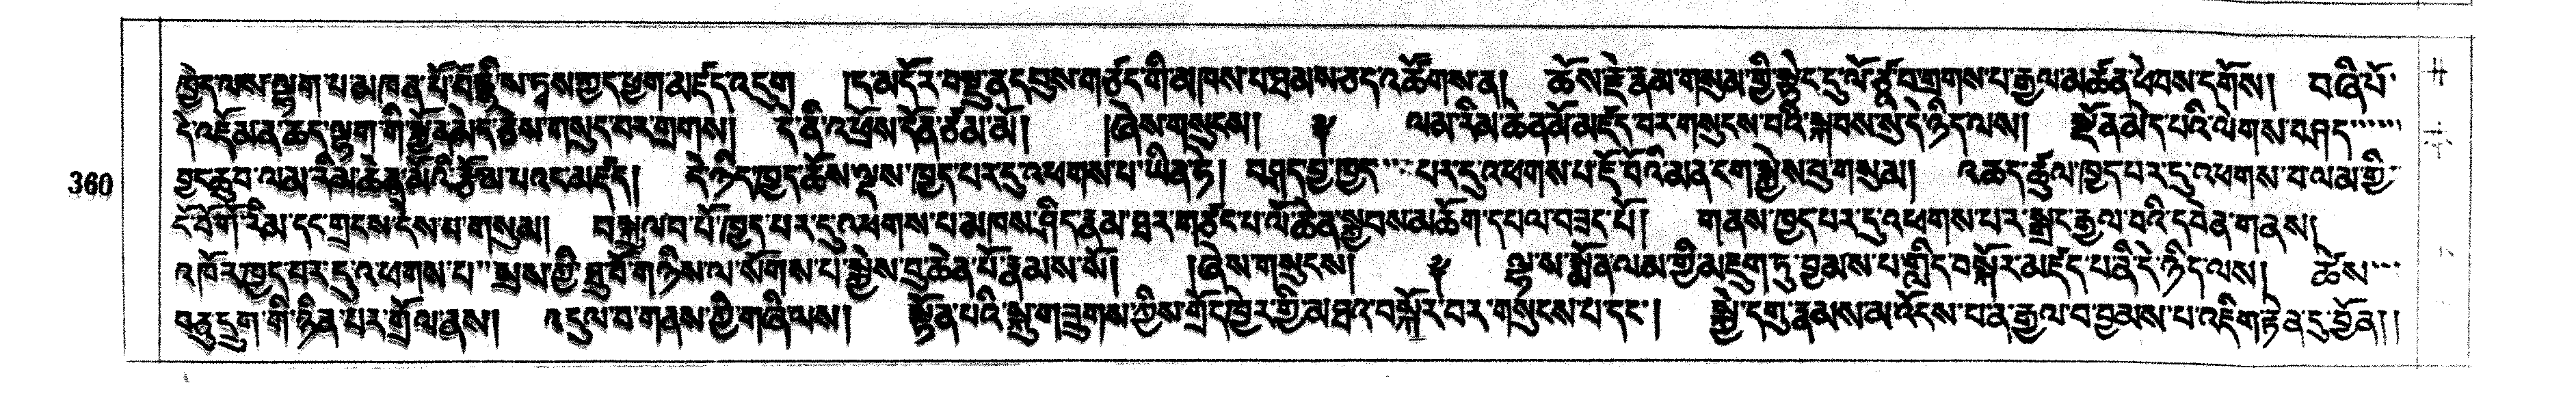ཁྱེད་ལས་ལྷག་པ་མཁན་པོ་བོདྷི་སཏྭས་ཀྱང་ཕྱག་མཛད་འདུག །ད་མདོར་བསྡུ་ན་དབུས་གཙང་གི་མཁས་པ་ཐམས་ཅད་འཚོགས་ན། ཆོས་རྗེ་རྣམ་གསུམ་གྱི་སྟེང་དུ་ལོ་ཙཱ་བ་གྲགས་པ་རྒྱལ་མཚན་ཕེབས་དགོས། བཞི་པོ་
དེ་འཇོམ་ན་ཆད་ལྷག་གི་སྐྱོན་མེད་ཅེས་གསུངས་བར་གྲགས། དེ་ནི་འཕྲོས་དོན་ཙམ་མོ། །ཞེས་གསུངས། ༈ ལམ་རིམ་ཆེན་མོ་མཛད་བར་གསུངས་པའི་སྐབས་སུ་དེ་ཉིད་ལས། སྔོན་མེད་པའི་ལེགས་བཤད་
བྱང་ཆུབ་ལམ་རིམ་ཆེན་མོའི་རྩོམ་པའང་མཛད། དེ་ཉིད་ཁྱད་ཆོས་ལྡས་ཁྱད་པར་དུ་འཕགས་པ་ཡིན་ཏེ། བཤད་བྱ་ཁྱད་པར་དུ་འཕགས་པ་ཇོ་བོའི་མན་ངག་སྐྱེས་བུ་གསུམ། འཆད་ཚུལ་ཁྱད་པར་དུ་འཕགས་པ་ལམ་གྱི་
ངོ་བོ་གོ་རིམ་དང་གྲངས་དེས་པ་གསུམ། བསྐུལ་བ་པོ་ཁྱད་པར་དུ་འཕགས་པ་མཁས་ཤིད་རྣམ་ཐར་གཙང་པ་ལོ་ཆེན་སྐྱབས་མཆོག་དཔལ་བཟང་པོ། གནས་ཁྱད་པར་དུ་འཕགས་པར་སྒྲང་རྒྱལ་བའི་དབེན་གནས།
འཁོར་ཁྱད་པར་དུ་འཕགས་པ་སྲས་ཀྱི་ཐུ་བོ་གཉིས་ལ་སོགས་པ་སྐྱེས་བུ་ཆེན་པོ་རྣམས་སོ། །ཞེས་གསུངས། ༈ ལྷ་ས་སྨོན་ལམ་གྱི་མཇུག་ཏུ་བྱམས་པ་གླིང་བསྐོར་མཛད་པ་ནི་དེ་ཉིད་ལས། ཚེས་
བཅུ་དྲུག་གི་ཉིན་པར་གྲོལ་ནས། འདུལ་བ་གནས་ཀྱི་གཞི་ལས། སྟོན་པའི་སྐུ་གཟུགས་ཀྱིས་གྲོང་ཁྱེར་གྱི་མཐའ་བསྐོར་བར་གསུངས་པ་དང་། སྐྱེ་དགུ་རྣམས་མ་འོངས་པ་ན་རྒྱལ་བ་བྱམས་པ་འཇིག་རྟེན་དུ་བྱོན།